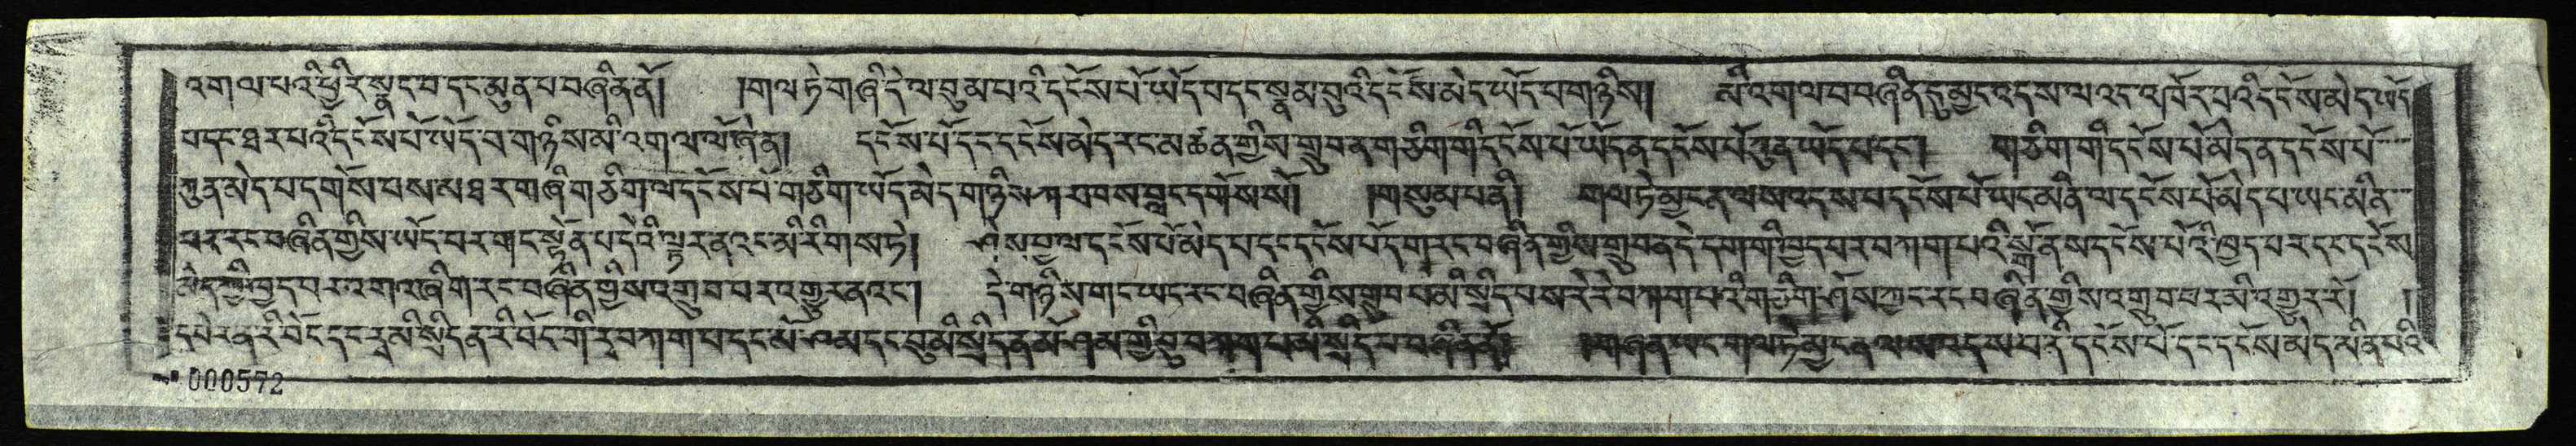འགལ་པའི་ཕྱིར་སྣང་བ་དང་མུན་པ་བཞིན་ནོ། །གལ་ཏེ་གཞི་དེ་ལ་བུམ་པའི་དངོས་པོ་ཡོད་པ་དང་སྣམ་བུའི་དངོས་མེད་ཡོད་པ་གཉིས། མི་འགལ་བ་བཞིན་དུ་མྱང་འདས་ལའང་འཁོར་པའི་དངོས་མེད་ཡོད་
པ་དང་ཐར་པའི་དངོས་པོ་ཡོད་པ་གཉིས་མི་འགལ་ལོ་ཞེ་ན། དངོས་པོ་དང་དངོས་མེད་རང་མཚན་གྱིས་གྲུབ་ན་གཅིག་གི་དངོས་པོ་ཡོད་ན་དངོས་པོ་ཀུན་ཡོད་པ་དང་། གཅིག་གི་དངོས་པོ་མེད་ན་དངོས་པོ་
ཀུན་མེད་པ་དགོས་པས་མཐར་གཞི་གཅིག་ལ་དངོས་པོ་གཅིག་ཡོད་མེད་གཉིས་ཀར་ཁས་བླང་དགོས་སོ། །གསུམ་པ་ནི། གལ་ཏེ་མྱ་ངན་ལས་འདས་པ་དངོས་པོ་ཡང་མིན་ལ་དངོས་པོ་མེད་པ་ཡང་མིན་
པར་རང་བཞིན་གྱིས་ཡོད་པར་གང་སྟོན་པ་དེའི་ལྟར་ནའང་མི་རིགས་ཏེ། ཤེས་བྱ་ལ་དངོས་པོ་མེད་པ་དང་དངོས་པོ་དག་རང་བཞིན་གྱིས་གྲུབ་ན་དེ་དག་གི་ཁྱད་པར་བཀག་པའི་སྒོ་ནས་དངོས་པོའི་ཁྱད་པར་དང་དངོས་
མེད་ཀྱི་ཁྱད་པར་འགའ་ཞིག་རང་བཞིན་གྱིས་འགྲུབ་པར་འགྱུར་ནའང་། དེ་གཉིས་གང་ཡང་རང་བཞིན་གྱིས་གྲུབ་པ་མི་སྲིད་པས་རེ་རེ་བཀག་པའི་གཅིག་ཤོས་ཀྱང་རང་བཞིན་གྱིས་འགྲུབ་པར་མི་འགྱུར་རོ། །
དཔེར་ན་རི་བོང་དང་རྭ་མི་སྲིད་ན་རི་བོང་གི་རྭ་བཀག་པ་དང་མོ་ཤམ་དང་བུ་མི་སྲིད་ན་མོ་ཤམ་གྱི་བུ་བཀག་པ་མི་སྲིད་པ་བཞིན་ནོ། །གཞན་ཡང་གལ་ཏེ་མྱ་ངན་ལས་འདས་པ་ནི་དངོས་པོ་དང་དངོས་མེད་མིན་པའི་